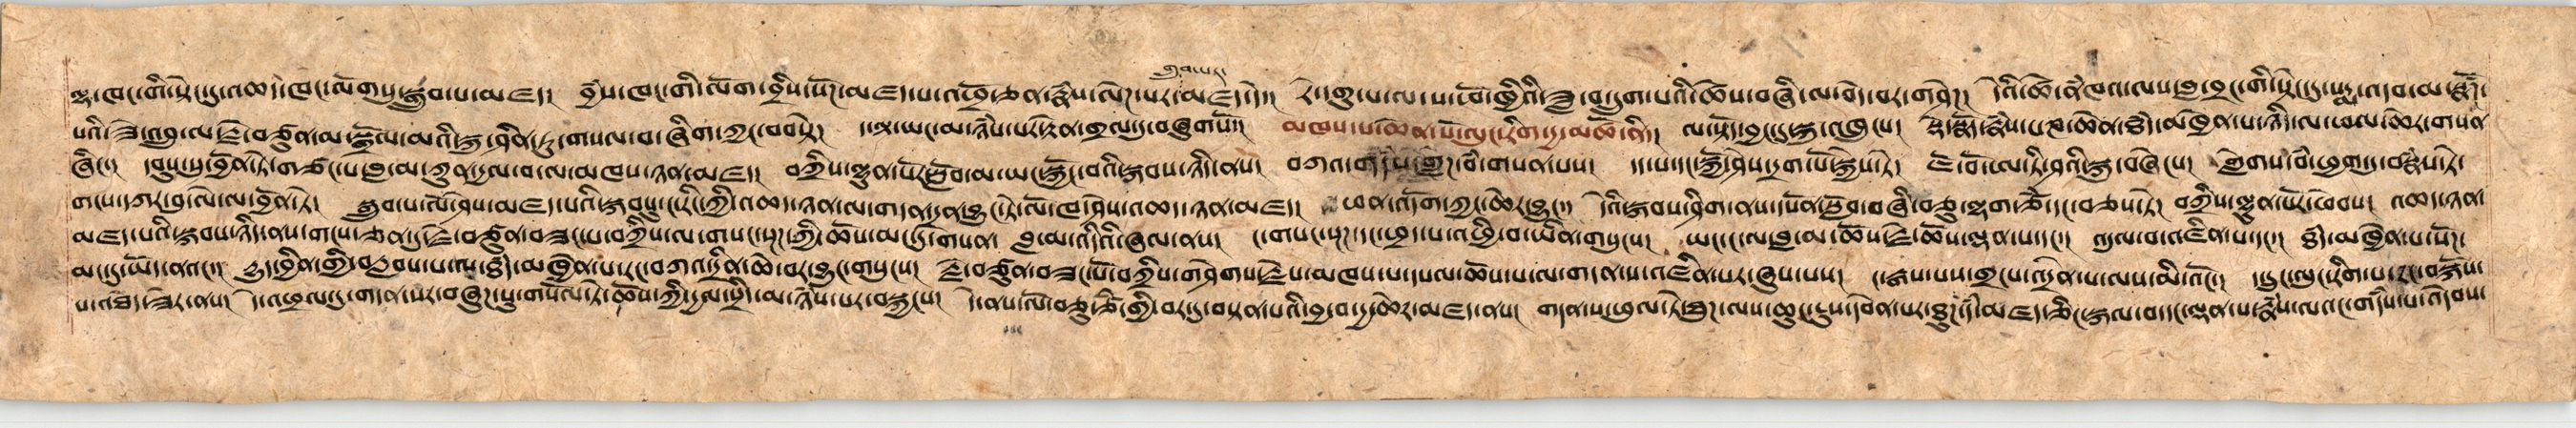ལྷ་ཁང་གི་སྟེང་དུ་འཆད་ཁང་ལོགསུ་སྒྲུབ་པ་མཛད། བྱཾས་ཁང་གི་ལོག་བྲིས་སོཌ་མཛད་པ་འཕྲོ་ཅན་རྣཾས་ལེཌ་པར་གྲུབ་པར་མཛད་དེ། རེ་དགུ་པ་ལ་ས་ཕོ་ཁྱིའི་ཟླ་བ་དྲུག་པའི་ཚེས་བཞི་ལ་བདེ་བར་གཤེཌ། དེའི་ཚེ་ནཾཁའ་ལས་བླ་བྲང་གི་སྟེང་དུ་པདྨ་འདབ་མ་སྣཚོཌ་
པའི་ཟེ་འབྲུ་ལ་རྗེ་བཙུན་མ་སྒྲོལ་མའི་སྐུ་ཤིན་ཏུ་གསལ་བ་ཞིག་ཀྱང་བབསྟེ། ད་ལྟ་ཡང་མ་ཉཾས་པར་རྟེན་གྲལ་དུ་བཞུགསོ་། མཁས་པ་ཆེན་པོ་ལུང་རིག་དྱ་མཚོ་ནི། ལ་སྟོད་བྱང་དུ་སྐུ་འཁྲུངས། སྡེ་སྣོད་རྣཾས་པཎ་ཆེན་ཐཾད་མཁྱེན་པ་ཉིད་ལ་་ཕལ་ཆེར་་གསན་
ཞིང་། དབུས་སུ་བྱོན་ཏེ་གཙང་པ་བླ་མ་ཀུན་དྱལ་བ་ལ་མཁས་ཉན་མཛད། བཀྲིས་ལྷུན་པོར་སློབ་མ་སྐྱོང་བའི་སྐབས་ཉིད་ནས། བཀའ་གདཾས་གླེཌ་བཾ་གསན་པས། དད་པ་དང་སྐྱོ་ཤས་དྲག་པོ་སྐྱེས་ཏེ། ཇོ་བོ་ཨ་ཏི་ཤའི་སྐུ་བཞེངས། གླེགས་བཾ་ཕྱག་དུ་བསྣཾས་ཏེ་
གངས་དཀར་བུ་ལེ་ལ་བྱོན་ཏེ། སྒྲུབ་པ་ལོ་ཤས་མཛད་པའི་སྐབསུ་ང་རིང་གི་འཆད་ཉན་ལ་གདན་དྲན་བྱུང་ཏེ་ལོ་ཁ་ཤེས་འཆད་ཉན་མཛད། ཕན་འདོག་ཀྱང་ཆེར་བྱུང་། དེའི་སྐབས་ཤིག་ནས་དཔོན་སློབ་བཞི་བཅུ་ལྷག་ཙཾ་དང་བཅས་ཏེ། བཀྲིས་ལྷུན་པོར་ཕེབས། འཆད་ཉན་
མཛད་པའི་སྐབས་ཉིད་ནས་གངས་ཅན་དུ་རྗེ་བཙུན་བཟང་པ་བཀྲིས་ལ་གསང་སྔགས་ཀྱི་ཆོས་མང་དུ་གསན། བླ་མ་འདིའི་ཞལ་ནས། ང་གསང་སྔཌ་དང་ཕྲད་པ་འཕྱི་བ་ཡིན་གསུངས། ཡང་ང་ལ་བླ་མ་ཆོས་རྗེ་ཆོས་ལྡན་པ་དང་། འདུལ་བ་འཛིན་པ་དང་། ཐཾད་མཁྱེན་པ་སོཌ་
མང་དུ་ཡོད་ནའང་། དྱུད་བྱིན་གྱི་བརླབས་པ་ལ་ཐཾད་མཁྱེན་པ་རང་བཀའ་དྲིན་ཆེ་བར་བྱུང་གསུངས། རྗེ་བཙུན་བཟང་པོ་བཀྲིས་གཤེགས་རྗེས་མཁས་པ་དཔལ་ཆོས་པ་ལ་གདན་ས་འཛིན་པར་ཞུས་པས། ང་རྒས་པས་གྲངས་འདྲེན་པ་ལས་མི་འོང་། ད་དྲུང་ལུང་རིག་པ་རང་བསྐོས་
པ་འཐེད་ཟེར་ནས། དེ་འཕྲལ་དུ་གདན་སར་བཞུཌ་སུ་གསོལ་ཏེ་ཆོས་ཀྱི་དྱལ་སྲིད་མ་ཉཾས་པར་བསྐྱངས། དེ་ནས་ལོ་བཅུ་ཙཾ་གྱི་བར་དུ་བསྟན་པའི་བྱ་བ་དྱ་ཆེར་མཛད་ནས། གདན་ས་ཕུལ་ཏེ་ཐུཌ་ལས་ཆུང་ངུས་དབེན་པར་ཐུཌ་དཾ་མཛད་ཅིང་སྐལ་བ་དང་ལྡན་པ་རྣཾས་ལ་གདཾས་པ་འདེབས་